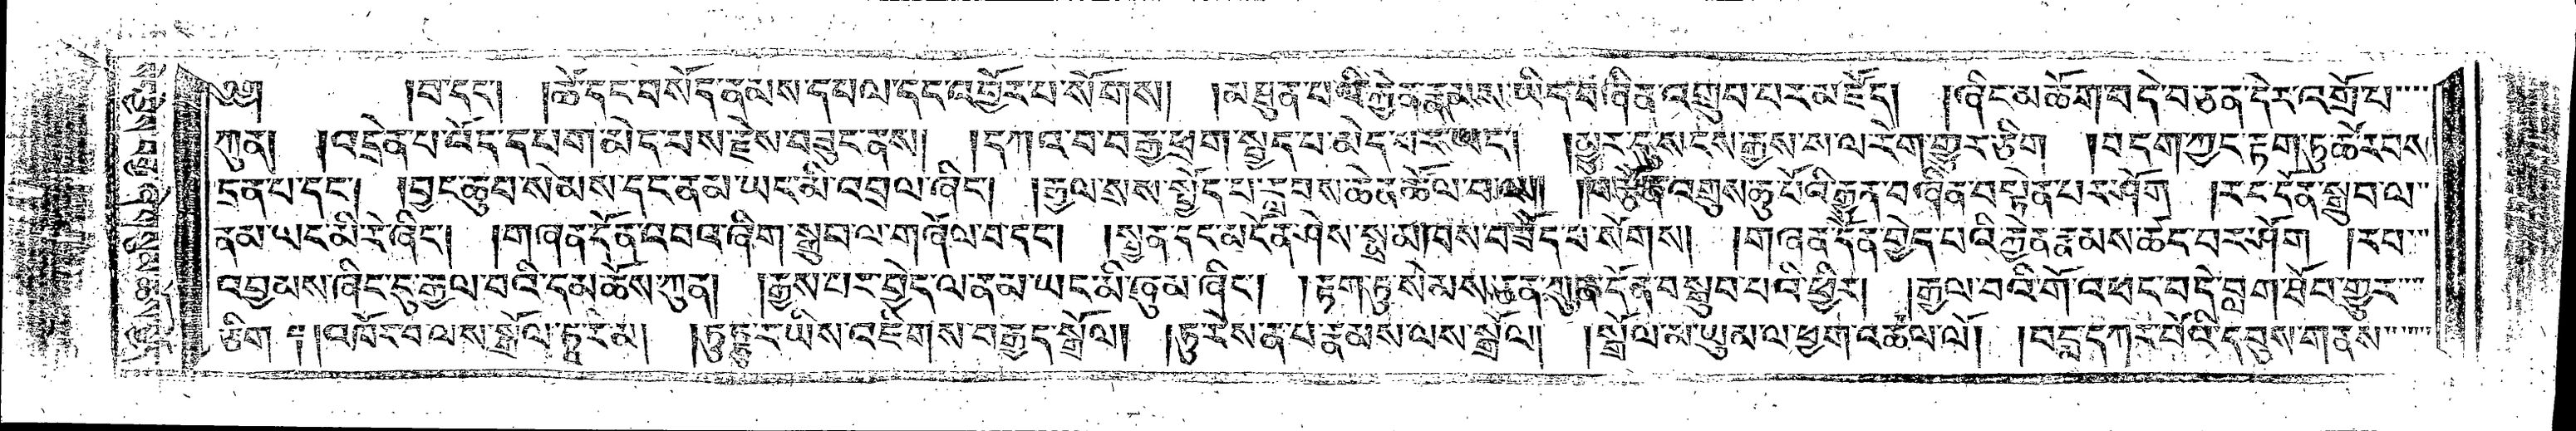༄༅། །བ་དང་། །ཚེ་དང་བསོད་ནམས་དཔལ་དང་འབྱོར་པ་སོགས། །མཐུན་པའི་རྐྱེན་རྣམས་ཡིད་བཞིན་འགྲུབ་པར་མཛོད། །ཞིང་མཆོག་བདེ་བ་ཅན་དེར་འགྲོ་པ་
ཀུན། །འདྲེན་པ་འོད་དཔག་མེད་པས་རྗེས་བཟུང་ནས། །དཀའ་བ་བརྒྱ་ཕྲག་སྤྱད་པ་མེད་པར་ཡང་། །མྱུར་དུ་སངས་རྒྱས་ས་ལ་རེག་གྱུར་ཅིག །བདག་ཀྱང་རྟག་ཏུ་ཚེ་རབས་
དྲན་པ་དང་། །བྱང་ཆུབ་སེམས་དང་ནམ་ཡང་མི་འབྲལ་ཞིང་། །རྒྱལ་སྲས་སྤྱོད་པ་རླབས་ཆེན་ཚོལ་བ་ལ། །བརྩོན་འགྲུས་ཆུ་བོའི་རྒྱུན་བཞིན་བསྟེན་པར་ཤོག །རང་དོན་སྒྲུབ་ལ་
ནམ་ཡང་མི་རེ་ཞིང་། །གཞན་དོན་འབའ་ཞིག་སྒྲུབ་ལ་གཞོལ་བ་དང་། །སྤྱན་དང་མངོན་ཤེས་སྨྲ་མཁས་བཟོད་པ་སོགས། །གཞན་དོན་བྱེད་པའི་རྐྱེན་རྣམས་ཚང་བར་ཤོག །རབ་
འབྱམས་ཞིང་དུ་རྒྱལ་བའི་དམ་ཆོས་ཀུན། །རྒྱས་པར་བྱེད་ལ་ནམ་ཡང་མི་ཞུམ་ཞིང་། །རྟག་ཏུ་སེམས་ཅན་ཀུན་དོན་བསྒྲུབ་པའི་ཕྱིར། །རྒྱལ་བའི་གོ་འཕང་བདེ་བླག་ཐོབ་གྱུར་
ཅིག ༈ །འཁོར་བ་ལས་སྒྲོལ་ཏཱ་རེ་མ། །ཏུཏྟུ་ར་ཡིས་འཇིགས་བརྒྱད་སྒྲོལ། །ཏུ་རེས་ན་བ་རྣམས་ལས་སྒྲོལ། །སྒྲོལ་མ་ཡུམ་ལ་ཕྱག་འཚལ་ལོ། །པདམ་དཀར་པོའི་དབུས་གནས་